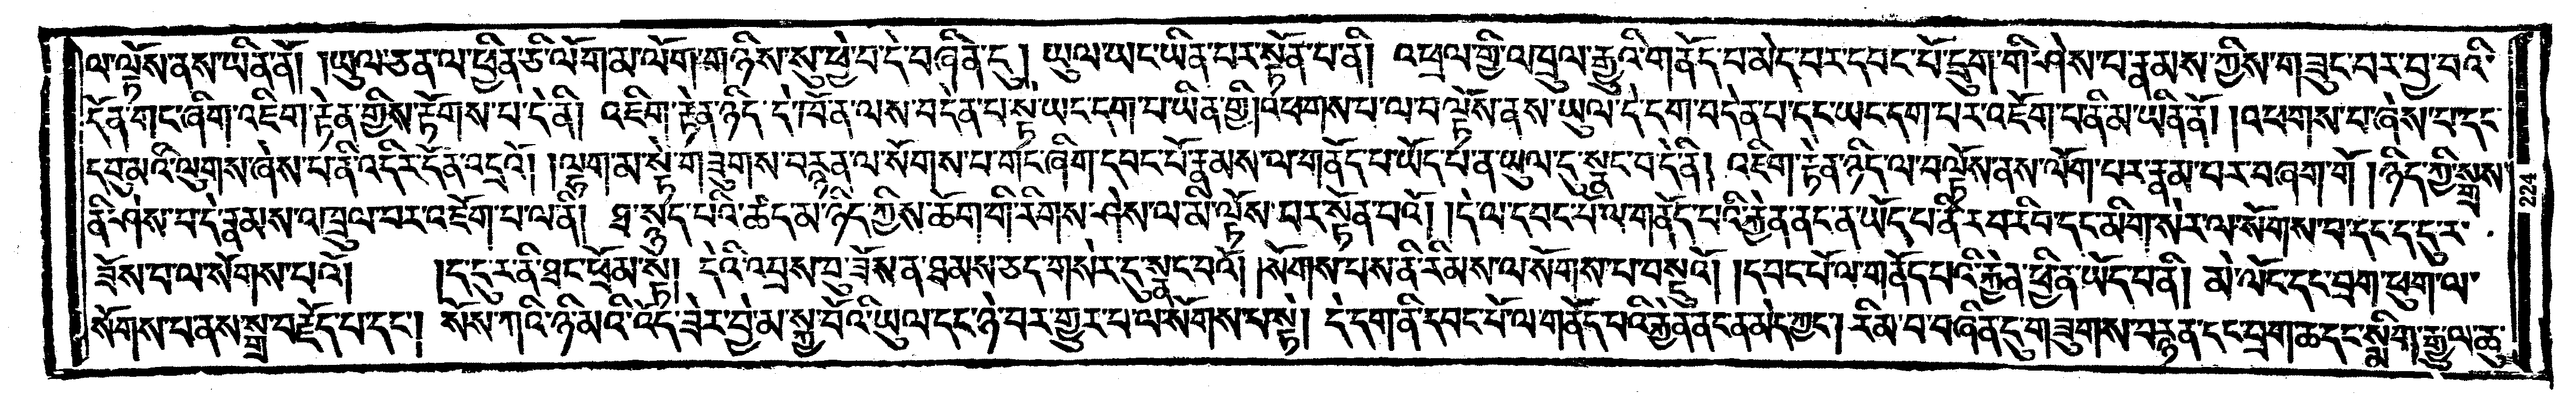ལ་ལྟོས་ནས་ཡིན་ནོ། །ཡུལ་ཅན་ལ་ཕྱིན་ཅི་ལོག་མ་ལོག་གཉིས་སུ་ཕྱེ་བ་དེ་བཞིན་དུ། ཡུལ་ཡང་ཡིན་པར་སྟོན་པ་ནི། འཕྲལ་གྱི་འཁྲུལ་རྒྱུའི་གནོད་པ་མེད་པར་དབང་པོ་དྲུག་གི་ཤེས་པ་རྣམས་ཀྱིས་གཟུང་བར་བྱ་བའི་
དོན་གང་ཞིག་འཇིག་རྟེན་གྱིས་རྟོགས་པ་དེ་ནི། འཇིག་རྟེན་ཉིད་དེ་ཁོ་ན་ལས་བདེན་པ་སྟེ་ཡང་དག་པ་ཡིན་གྱི། འཕགས་པ་ལ་བལྟོས་ནས་ཡུལ་དེ་དག་བདེན་པ་དང་ཡང་དག་པར་འཇོག་པ་ནི་མ་ཡིན་ནོ། །འཕགས་པ་ཞེས་པ་དང་
དབུ་མའི་ལུགས་ཞེས་པ་ནི་འདིར་དོན་འདྲའོ། །ལྷག་མ་སྟེ་གཟུགས་བརྙན་ལ་སོགས་པ་གང་ཞིག་དབང་པོ་རྣམས་ལ་གནོད་པ་ཡོད་པ་ན་ཡུལ་དུ་སྣང་བ་དེ་ནི། འཇིག་རྟེན་ཉིད་ལ་བལྟོས་ནས་ལོག་པར་རྣམ་པར་བཞག་གོ །ཉིད་ཀྱི་སྒྲས་
ནི་ཤེས་པ་དེ་རྣམས་འཁྲུལ་པར་འཇོག་པ་ལ་ནི། ཐ་སྙད་པའི་ཚད་མ་ཉིད་ཀྱིས་ཆོག་གི་རིགས་ཤེས་ལ་མི་ལྟོས་པར་སྟོན་པའོ། །དེ་ལ་དབང་པོ་ལ་གནོད་པའི་རྐྱེན་ནང་ན་ཡོད་པ་ནི་རབ་རིབ་དང་མིག་སེར་ལ་སོགས་པ་དང་ད་དུ་ར་
ཟོས་པ་ལ་སོགས་པའོ། །ད་དུ་ར་ནི་ཐང་ཕྲོམ་སྟེ། དེའི་འབྲས་བུ་ཟོས་ན་ཐམས་ཅད་གསེར་དུ་སྣང་བའོ། །སོགས་པས་ནི་རིམས་ལ་སོགས་པ་བསྡུའོ། །དབང་པོ་ལ་གནོད་པའི་རྐྱེན་ཕྱི་ན་ཡོད་པ་ནི། མེ་ལོང་དང་བྲག་ཕུག་ལ་
སོགས་པ་ནས་སྒྲ་བརྗོད་པ་དང་། སོས་ཀའི་ཉི་མའི་འོད་ཟེར་བྱེ་མ་སྐྱེ་བོའི་ཡུལ་དང་ཉེ་བར་གྱུར་པ་ལ་སོགས་པ་སྟེ། དེ་དག་ནི་དབང་པོ་ལ་གནོད་པའི་རྐྱེན་ནང་ན་མེད་ཀྱང་། རིམ་པ་བཞིན་དུ་གཟུགས་བརྙན་དང་བྲག་ཆ་དང་སྨིག་རྒྱུ་ལ་ཆུ་